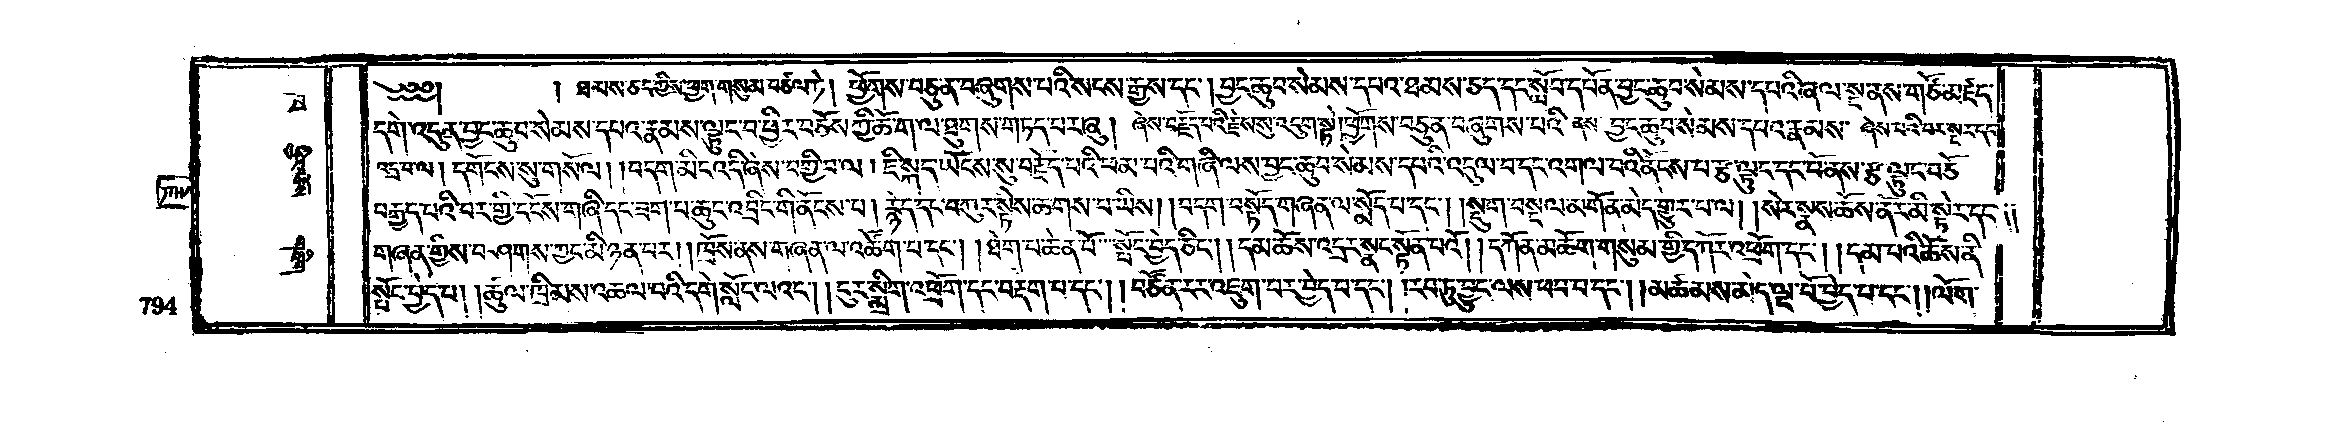༄༅༅། །ཐམས་ཅད་ཀྱིས་ཕྱག་གསུམ་བཙལ་ཏེ། ཕྱོགས་བཅུ་ན་བཞུགས་པའི་སངས་རྒྱས་དང་། བྱང་ཆུབ་སེམས་དཔའ་ཐམས་ཅད་དང་སློབ་དཔོན་བྱང་ཆུབ་སེམས་དཔའི་ཞལ་སྔ་ནས་གཙོ་མཛད་
དགེ་འདུན་བྱང་ཆུབ་སེམས་དཔའ་རྣམས་ལྟུང་བ་ཕྱིར་བཅོས་ཀྱི་ཆོ་ག་ལ་ཐུགས་གཏད་པར་ཞུ། ཞེས་བརྗོད་པའི་རྗེས་སུ་འདུག་སྟེ།  ཕྱོགས་བཅུ་ན་བཞུགས་པའི་ནས་བྱང་ཆུབ་སེམས་དཔའ་རྣམས་ཞེས་པའི་བར་སྔར་དང་
འདྲ་བ་ལ། དགོངས་སུ་གསོལ། །བདག་མིང་འདི་ཞེས་བགྱི་བ་ལ། ཇི་སྐད་ཡོངས་སུ་བརྗོད་པའི་ཕམ་པའི་གཞི་ལས་བྱང་ཆུབ་སེམས་དཔའི་འདུལ་བ་དང་འགལ་བའི་ནོངས་པ་རྩ་ལྟུང་དང་པོ་ནས་རྩ་ལྟུང་བཅོ་
བརྒྱད་པའི་བར་གྱི་དངོས་གཞི་དང་ཟག་པ་ཆུང་འབྲིང་གི་ནོངས་པ། རྙེད་དང་བཀུར་སྟིས་ཆགས་པ་ཡིས། །བདག་བསྟོད་གཞན་ལ་སྨོད་པ་དང་། །སྡུག་བསྔལ་མགོན་མེད་གྱུར་པ་ལ། །སེར་སྣས་ཆོས་ནོར་མི་སྟེར་དང་། །
གཞན་གྱིས་བཤགས་ཀྱང་མི་ཉན་པར། །ཁྲོས་ནས་གཞན་ལ་འཚོག་པ་དང་། །ཐེག་པ་ཆེན་པོ་སྤོང་བྱེད་ཅིང་། །དམ་ཆོས་འདྲར་སྣང་སྟོན་པའོ། །དཀོན་མཆོག་གསུམ་གྱི་དཀོར་འཕྲོག་དང་། །དམ་པའི་ཆོས་ནི་
སྤོང་བྱེད་པ། །ཚུལ་ཁྲིམས་འཆལ་བའི་དགེ་སློང་ལའང་། །ངུར་སྨྲིག་འཕྲོག་དང་བརྡེག་པ་དང་། །བཙོན་རར་འཇུག་པར་བྱེད་པ་དང་། །རབ་ཏུ་བྱུང་ལས་ཕབ་པ་དང་། །མཚམས་མེད་ལྔ་པོ་བྱེད་པ་དང་། །ལོག་